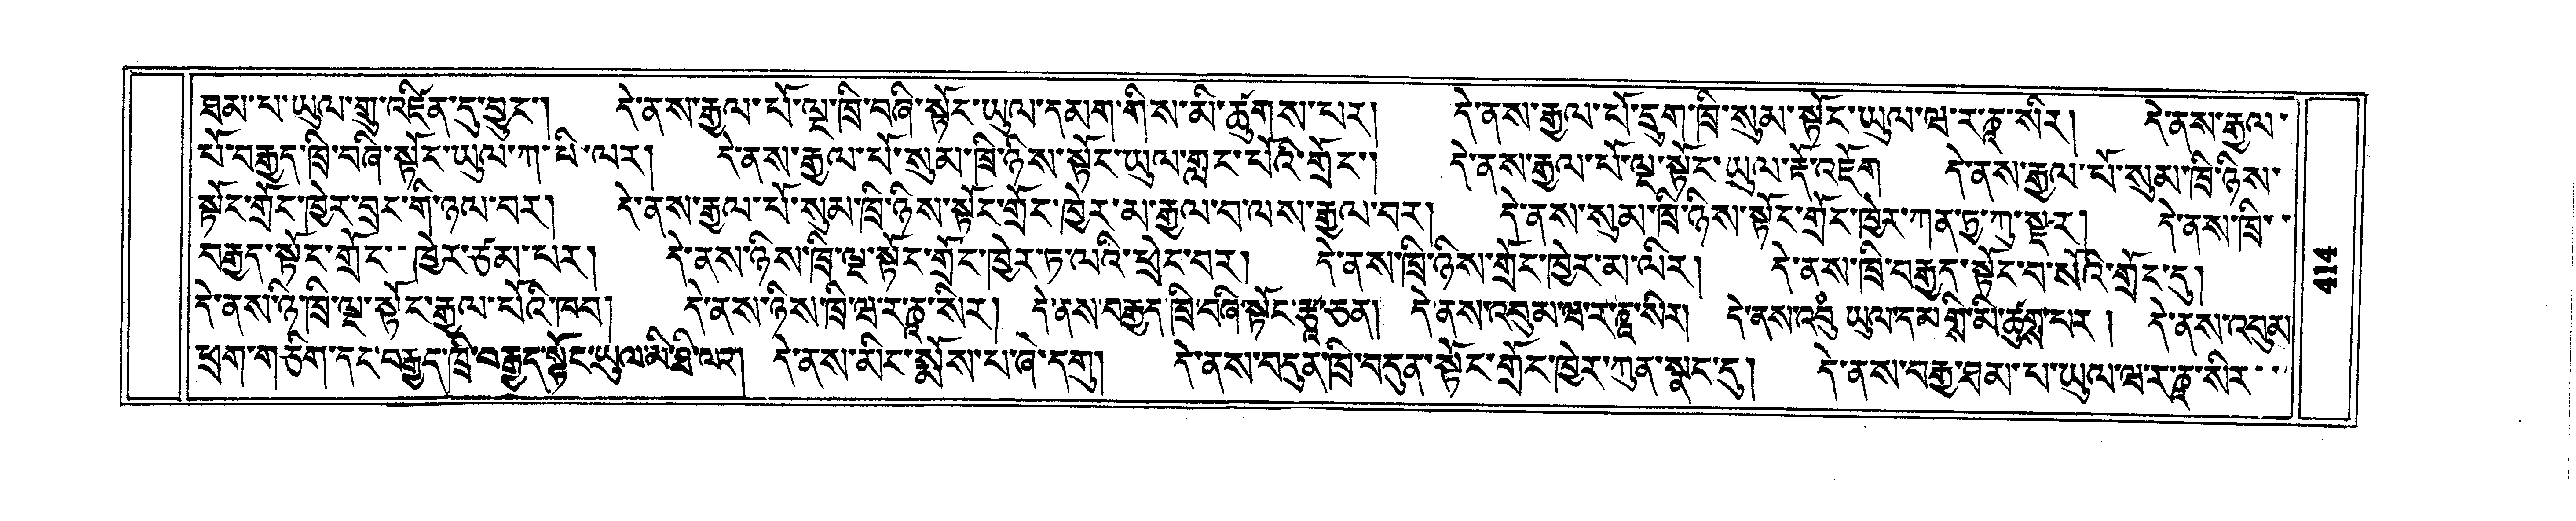ཐམ་པ་ཡུལ་གྲུ་འཛིན་དུ་བྱུང་། དེ་ནས་རྒྱལ་པོ་ལྔ་ཁྲི་བཞི་སྟོང་ཡུལ་དམག་གིས་མི་ཚུགས་པར། དེ་ནས་རྒྱལ་པོ་དྲུག་ཁྲི་སུམ་སྟོང་ཡུལ་ཝ་ར་ཎཱ་སིར། དེ་ནས་རྒྱལ་
པོ་བརྒྱད་ཁྲི་བཞི་སྟོང་ཡུལ་ཀ་པི་ལར། དེ་ནས་རྒྱལ་པོ་སུམ་ཁྲི་ཉིས་སྟོང་ཡུལ་གླང་པོའི་གྲོང་། དེ་ནས་རྒྱལ་པོ་ལྔ་སྟོང་ཡུལ་རྡོ་འཇོག་དེ་ནས་རྒྱལ་པོ་སུམ་ཁྲི་ཉིས་
སྟོང་གྲོང་ཁྱེར་བྲང་གི་ཉལ་བར། དེ་ནས་རྒྱལ་པོ་སུམ་ཁྲི་ཉིས་སྟོང་གྲོང་ཁྱེར་མ་རྒྱལ་བ་ལས་རྒྱལ་བར། དེ་ནས་སུམ་ཁྲི་ཉིས་སྟོང་གྲོང་ཁྱེར་ཀན་ཏྱ་ཀུ་སྫར། དེ་ནས་ཁྲི་
བརྒྱད་སྟོང་གྲོང་ཁྱེར་ཙམ་པར། དེ་ནས་ཉིས་ཁྲི་ལྔ་སྟོང་གྲོང་ཁྱེར་ཏ་ལའི་ཕྲེང་བར། དེ་ནས་ཁྲི་ཉིས་གྲོང་ཁྱེར་མ་ལིར། དེ་ནས་ཁྲི་བརྒྱད་སྟོང་བ་སོའི་གྲོང་དུ།
དེ་ནས་ཉི་ཁྲི་ལྔ་སྟོང་རྒྱལ་པོའི་ཁབ། དེ་ནས་ཉིས་ཁྲི་ཝ་ར་ཎཱ་སིར། དེ་ནས་བརྒྱད་ཁྲི་བཞི་སྟོང་རྩཱ་ཅན། དེ་ནས་འབུམ་ཝ་ར་ཎཱ་སིར། དེ་ནས་འབུཾ་ཡུལ་དམིགས་མི་ཚུགས་པར། དེ་ནས་འབུམ་
ཕྲག་གཅིག་དང་བརྒྱད་ཁྲི་བརྒྱད་སྟོང་ཡུལ་མི་ཐི་ལར། དེ་ནས་མིང་སྨོས་པ་ཞེ་དགུ། དེ་ནས་བདུན་ཁྲི་བདུན་སྟོང་གྲོང་ཁྱེར་ཀུན་སྣང་དུ། དེ་ནས་བརྒྱ་ཐམ་པ་ཡུལ་ཝ་ར་ཎཱ་སིར་